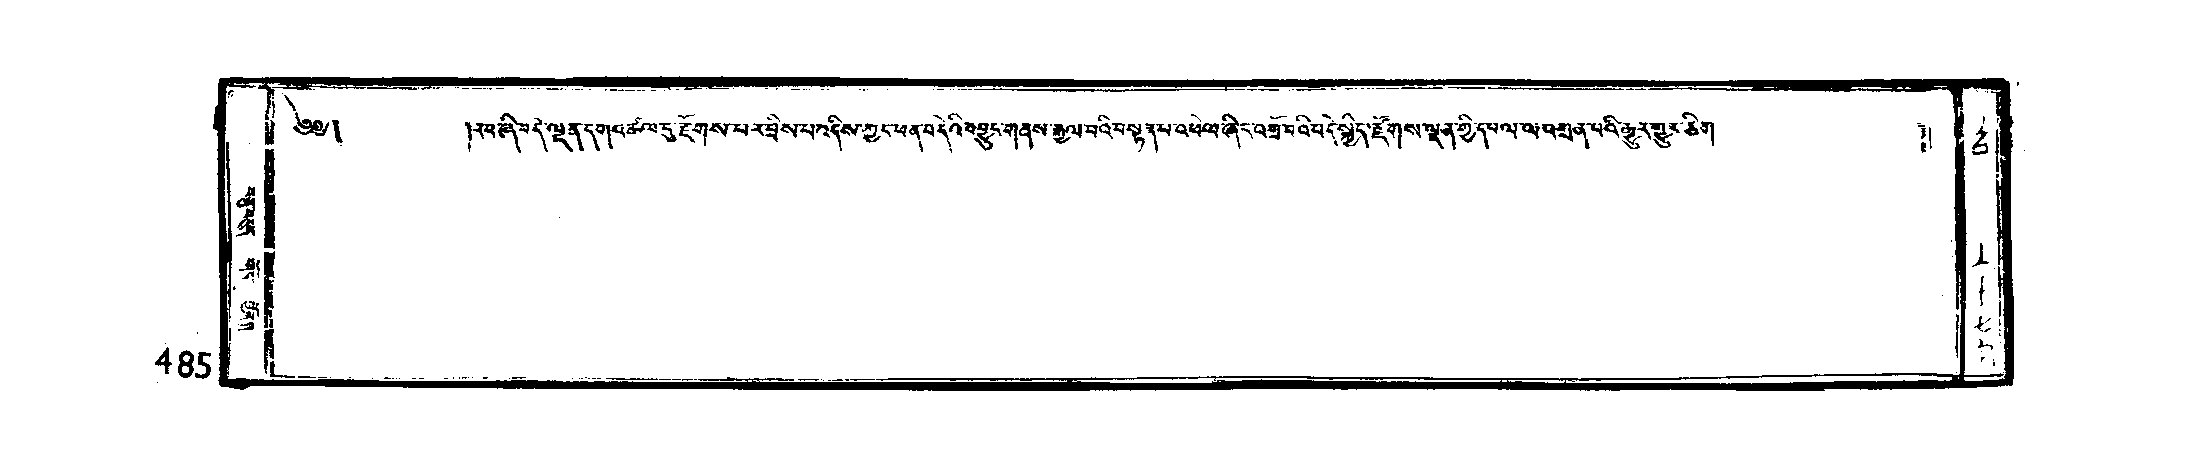༄༅། །རབ་ཞི་བདེ་ལྡན་དགའ་ཚལ་དུ་རྫོགས་པར་བྲིས་པ་འདིས་ཀྱང་ཕན་བདེའི་འབྱུང་གནས་རྒྱལ་བའི་བསྟན་པ་འཕེལ་ཞིང་འགྲོ་བའི་བདེ་སྐྱིད་རྫོགས་ལྡན་གྱི་དཔལ་ལ་འགྲན་པའི་རྒྱུར་གྱུར་ཅིག །།